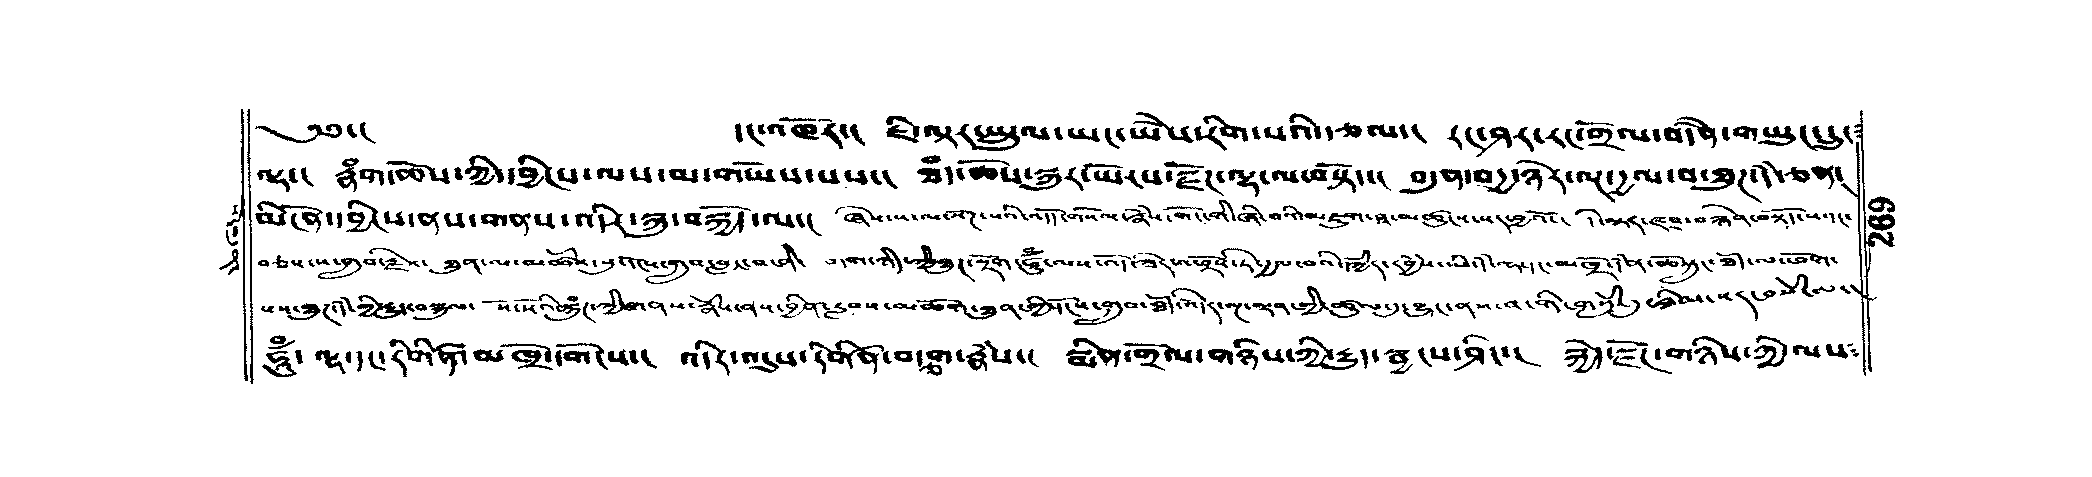དང་འཁོར། །ཇི་ལྟར་སྤྲུལ་ཡང་ཡེ་ཤེས་རིག་པའི་རྩལ། །རང་ཤར་རང་གྲོལ་བདེ་ཆེན་གཡུང་དྲུང་
ལྷ། །རྣམ་དག་ཆོས་ཀྱི་དབྱིངས་ལས་མ་གཡོས་པས། །ཐམས་ཅད་ཆོས་སྐུར་ཡོངས་རྫོགས་ལྷ་ལ་བསྟོད། །བདུན་བརྒྱ་ཉེར་ལྔ་རྒྱལ་བ་ཐུགས་དམ་ཅན། །
མི་མངོན་དབྱིངས་ནས་གནས་འདིར་སྐུ་བསྐྱོད་ལ། ། ཞེས་པ་ལ་སོགས་པའི་འདོད་གསོལ་རྣམས་གོང་གི་ཞི་བའི་མཇུག་ཆ་མཚུངས་པར་བྱའོ། དེ་ལྟར་འཛབ་བསྙེན་བསྟོད་པ་དང་
བཅས་པ་གྲུབ་རྗེས། ཐུན་ལ་མཚམས་སུ་དངོས་གྲུབ་བླང་བ་ནི། བདག་ཉིད་ཀྱི་ཐུགས་སྲོག་ཧཱུྃ་ལས་འོད་ཟེར་འཕྲོས་ཏེ་རྒྱལ་བའི་དཀྱིལ་འཁོར་རབ་འབྱམས་ཡི་དམ་ལྷ་དང་མཁའ་འགྲོ་དམ་ཅན་ཆོས་སྲུང་ཐམས་ཅད་ལ་ཕོག་
པས་ཐུགས་དམ་ཀྱི་རྒྱུད་བསྐུལ། སོ་སོའི་སྐུ་གསུང་ཐུགས་ཀྱི་གནས་རྣམས་ནས་བྱིན་རླབས་མཆོག་ཐུན་གྱི་དངོས་གྲུབ་ཐམས་ཅད་འོད་ཟེར་ལྔ་ལྡན་གྱི་ཚུལ་དུ་བྱུང་ནས་བདག་གི་གནས་གསུམ་སུ་ཐིམ་པར་བསམ་ལ། 
ཧཱུྃ། ལྷ་དང་རིག་འཛིན་མཁའ་འགྲོ་དགོངས། །འདིར་འདུས་རིག་འཛིན་བདག་ཅག་རྣམས། །སྨིན་གྲོལ་གཉིས་ཀྱི་རྒྱུད་སྦྱངས་ཤིང་། ། བསྐྱེད་རྫོགས་གཉིས་ཀྱི་ལས་